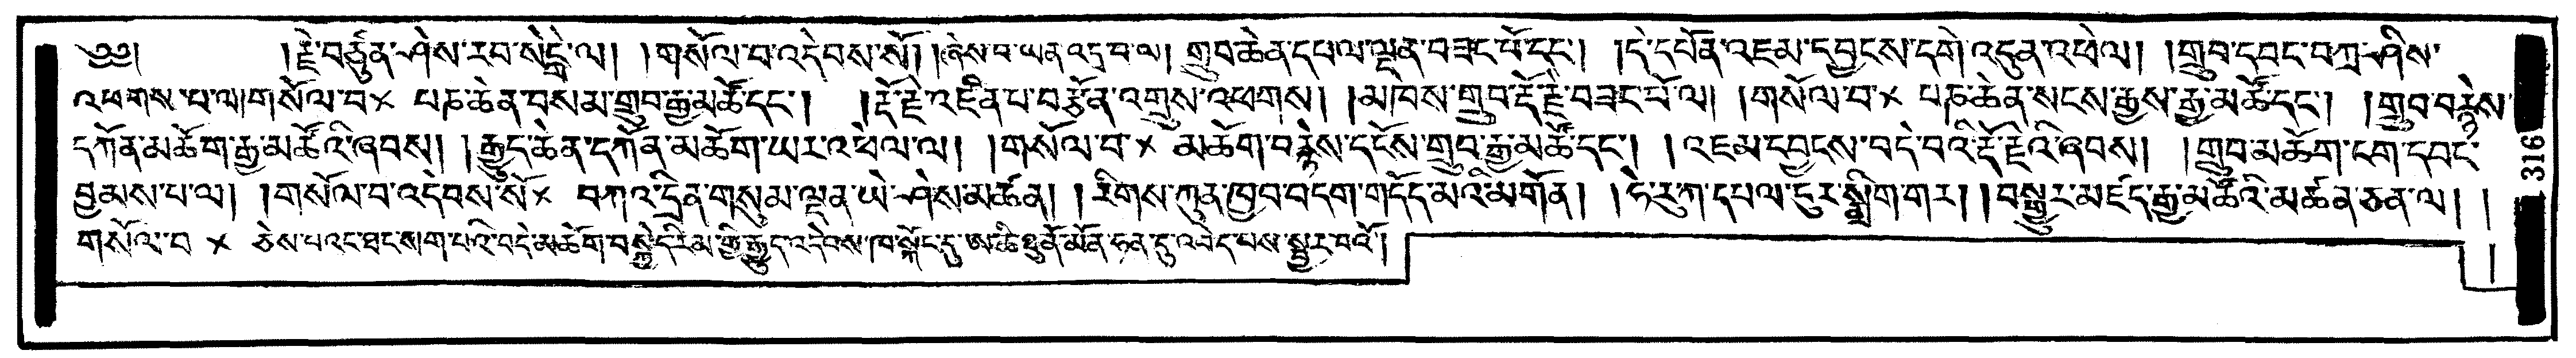༄༅། །རྗེ་བཙུན་ཤེས་རབ་སེངྒེ་ལ། །གསོལ་བ་འདེབས་སོ། །ཞེས་པ་ཡན་འདྲ་བ་ལ། གྲུབ་ཆེན་དཔལ་ལྡན་བཟང་པོ་དང་། །དེ་དཔོན་འཇམ་དབྱངས་དགེ་འདུན་འཕེལ། །གྲུབ་དབང་བཀྲ་ཤིས་
འཕགས་པ་ལ། གསོལ་བ་{྾}་པཎ་ཆེན་བསམ་གྲུབ་རྒྱ་མཚོ་དང་། །རྡོ་རྗེ་འཛིན་པ་བརྩོན་འགྲུས་འཕགས། །མཁས་གྲུབ་རྡོ་རྗེ་བཟང་པོ་ལ། །གསོལ་བ་{྾}་པཎ་ཆེན་སངས་རྒྱས་རྒྱ་མཚོ་དང་། །གྲུབ་བརྙེས་
དཀོན་མཆོག་རྒྱ་མཚོའི་ཞབས། །རྒྱུད་ཆེན་དཀོན་མཆོག་ཡར་འཕེལ་ལ། །གསོལ་བ་{྾}་མཆོག་བརྙེས་དངོས་གྲུབ་རྒྱ་མཚོ་དང་། །འཇམ་དབྱངས་བདེ་བའི་རྡོ་རྗེའི་ཞབས། །གྲུབ་མཆོག་ངག་དབང་
བྱམས་པ་ལ། །གསོལ་བ་འདེབས་སོ་{྾}་བཀའ་དྲིན་གསུམ་ལྡན་ཡེ་ཤེས་མཚན། །རིགས་ཀུན་ཁྱབ་བདག་གདོད་མའི་མགོན། །ཧེ་རུ་ཀ་དཔལ་ངུར་སྨྲིག་གར། །བསྒྱུར་མཛད་རྒྱ་མཚོའི་མཚན་ཅན་ལ། །
གསོལ་བ་{྾}་ཅེས་པའང་ཐང་སག་པའི་བདེ་མཆོག་བསྐྱེད་རིམ་གྱི་རྒྱུད་འདེབས་ཁ་སྐོང་དུ་ཨ་ཆི་ཐུ་ནོ་མོན་ཧན་དུ་འབེད་པས་སྦྱར་བའོ། །